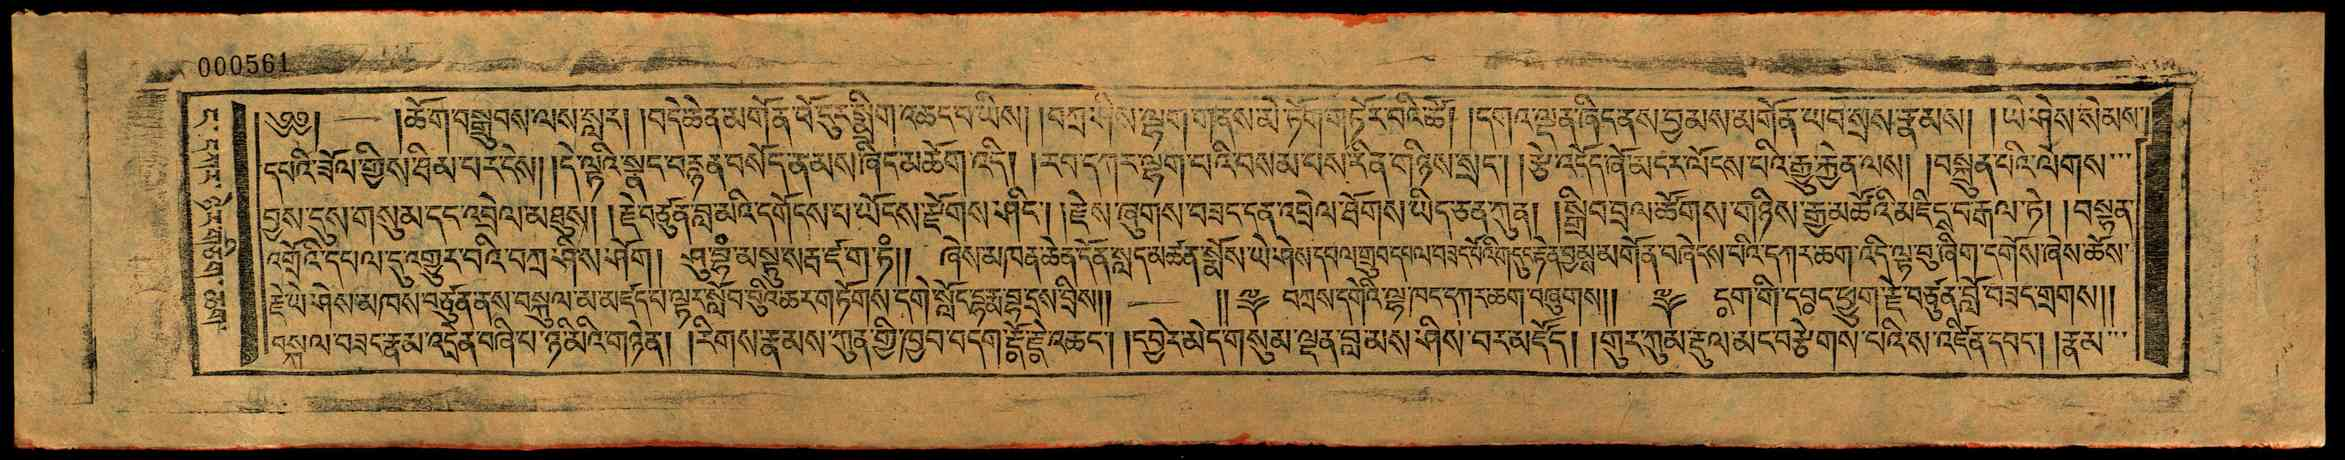༄༅། །ཆོ་ག་བསྒྲུབས་ལས་སླར། །བདེ་ཆེན་མགོན་པོ་དུར་སྨྲིག་འཆང་བ་ཡིས། །བཀྲ་ཤིས་ལྷག་གནས་མེ་ཏོག་གཏོར་བའི་ཚེ། །དགའ་ལྡན་ཞིང་ནས་བྱམས་མགོན་ཡབ་སྲས་རྣམས། །ཡེ་ཤེས་སེམས་
དཔའི་ཟོལ་གྱིས་ཐིམ་པར་ངེས། །དེ་ལྟའི་སྣང་བརྙན་བསོད་ནམས་ཞིང་མཆོག་འདི། །རབ་དཀར་ལྷག་པའི་བསམ་པས་རིན་གཉིས་སྲང་། །རྩེ་འདོད་ཞོ་མངར་ལོངས་པའི་རྒྱུ་རྐྱེན་ལས། །བསྐྲུན་པའི་ལེགས་
བྱས་དུས་གསུམ་དང་འབྲེལ་མཐུས། །རྗེ་བཙུན་བླ་མའི་དགོངས་བ་ཡོངས་རྫོགས་ཤིང་། །རྗེས་ཞུགས་བཟང་ངན་འབྲེལ་ཐོགས་ཡིད་ཅན་ཀུན། །སྒྲིབ་བྲལ་ཚོགས་གཉིས་རྒྱ་མཚོའི་མཇིངས་བརྒལ་ཏེ། །བསྟན་
འགྲོའི་དཔལ་དུ་འགྱུར་བའི་བཀྲ་ཤིས་ཤོག། ཤུ་བྷ་མསྟུ་སརྦ་ཛ་ག་ཏཾ།། ཞེས་མཁན་ཆེན་དོན་སླད་མཚན་སྨོས་ཡེ་ཤེས་དཔལ་གྲུབ་དཔལ་བཟང་པོའི་གདུང་རྟེན་བྱམས་མགོན་བཞེངས་པའི་དཀར་ཆག་འདི་ལྟ་བུ་ཞིག་དགོས་ཞེས་ཆོས་
རྗེ་ཡེ་ཤེས་མཁས་བཙུན་ནས་བསྐུལ་མ་མཛད་པ་ལྟར་སློབ་བུའི་ཆར་གཏོགས་དགེ་སློང་དྷརྨ་བྷ་དྲས་བྲིས།། །། འ་བཀྲས་དགེའི་ལྷ་ཁང་དཀར་ཆག་བཞུགས།། འ་ངག་གི་དབང་ཕྱུག་རྗེ་བཙུན་བློ་བཟང་གྲགས།།
བསྐལ་བཟང་རྣམ་འདྲེན་བཞི་པ་ཉི་མའི་གཉེན། །རིགས་རྣམས་ཀུན་གྱི་ཁྱབ་བདག་རྡོ་རྗེ་འཆང་། །དབྱེར་མེད་གསུམ་ལྡན་བླ་མས་ཤེས་པར་མཛོད། །གུར་ཀུམ་རྡུལ་མང་བརྩེགས་པའི་ས་འཛིན་དབང་། །རྣམ་